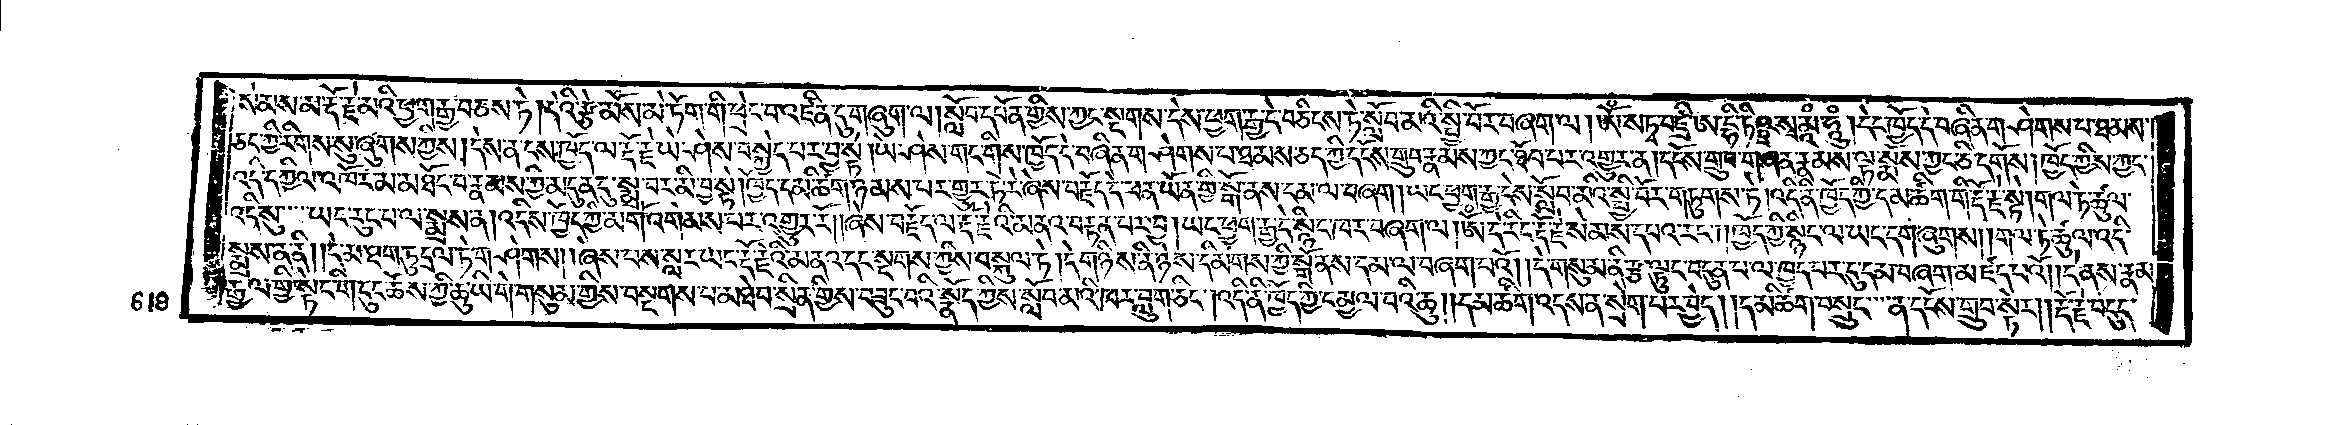སེམས་མ་རྡོ་རྗེ་མའི་ཕྱག་རྒྱ་བཅས་ཏེ། དེའི་རྩེ་མོས་མེ་ཏོག་གི་ཕྲེང་བ་འཛིན་དུ་གཞུག་ལ། སློབ་དཔོན་གྱིས་ཀྱང་སྔགས་དེས་ཕྱག་རྒྱ་དེ་བཅིངས་ཏེ་སློབ་མའི་སྤྱི་བོར་བཞག་ལ། ཨོཾ་སཏྭ་བཛྲི་ཨ་དྷི་ཏིཥཊཿཨ་སྭ་མཱཾ་ཧཱུཾ། དེང་ཁྱོད་དེ་བཞིན་གཤེགས་པ་ཐམས་
ཅད་ཀྱི་རིགས་སུ་ཞུགས་ཀྱིས། དེས་ན་ངས་ཁྱོད་ལ་རྡོ་རྗེ་ཡེ་ཤེས་བསྐྱེད་པར་བྱ་སྟེ། ཡེ་ཤེས་གང་གིས་ཁྱོད་དེ་བཞིན་གཤེགས་པ་ཐམས་ཅད་ཀྱི་དངོས་གྲུབ་རྣམས་ཀྱང་ཐོབ་པར་འགྱུར་ན། དངོས་གྲུབ་གཞན་རྣམས་ལྟ་སྨོས་ཀྱང་ཅི་དགོས། ཁྱོད་ཀྱིས་ཀྱང་
འདི་དཀྱིལ་འཁོར་མ་མཐོང་བ་རྣམས་ཀྱི་མདུན་དུ་སྨྲ་བར་མི་བྱ་སྟེ། ཁྱོད་དམ་ཚིག་ཉམས་པར་གྱུར་ཏ་རེ་ཞེས་བརྗོད་དེ་ཕན་ཡོན་གྱི་སྒོ་ནས་དམ་ལ་བཞག །ཡང་ཕྱག་རྒྱ་དེས་སློབ་མའི་སྤྱི་བོར་གཏུགས་ཏེ། འདི་ནི་ཁྱོད་ཀྱི་དམ་ཚིག་གི་རྡོ་རྗེ་སྟེ། གལ་ཏེ་ཚུལ་
འདི་སུ་ཡང་རུང་པ་ལ་སྨྲས་ན། འདིས་ཁྱོད་ཀྱི་མགོ་འགེམས་པར་འགྱུར་རོ། །ཞེས་བརྗོད་ལ་རྡོ་རྗེའི་མནའ་བརྟན་པར་བྱ། ཡང་ཕྱག་རྒྱ་དེ་སྙིང་ཁར་བཞག་ལ། ཨོཾ་དེ་རིང་རྡོ་རྗེ་སེམས་དཔའ་རང་། །ཁྱོད་ཀྱི་སྙིང་ལ་ཡང་དག་ཞུགས། །གལ་ཏེ་ཚུལ་འདི་
སྨྲས་ན་ནི། །དེ་མ་ཐག་ཏུ་དྲལ་ཏེ་གཤེགས། །ཞེས་པས་སླར་ཡང་རྡོ་རྗེའི་མནའ་དང་སྔགས་ཀྱིས་བསྐུལ་ཏེ། དེ་གཉིས་ནི་ཉེས་དམིགས་ཀྱི་སྒོ་ནས་དམ་ལ་བཞག་པའོ། །དེ་གསུམ་ནི་རྩ་ལྟུང་བདུན་པ་ལ་ཁྱད་པར་དུ་དམ་བཞག་མཛད་པའོ། །དེ་ནས་རྣམ་
རྒྱལ་གྱི་སྟེང་གི་དུང་ཆོས་ཀྱི་ཆུ་ཡི་གེ་གསུམ་གྱིས་བསྔགས་པ་མཐེབ་སྲིན་གྱིས་བཟུང་བའི་སྣོད་ཀྱིས་སློབ་མའི་ཁར་བླུག་ཅིང་། འདི་ནི་ཁྱོད་ཀྱི་དམྱལ་བའི་ཆུ། །དམ་ཚིག་འདས་ན་སྲེག་པར་བྱེད། །དམ་ཚིག་བསྲུང་ན་དངོས་གྲུབ་སྟེར། །རྡོ་རྗེ་བདུད་